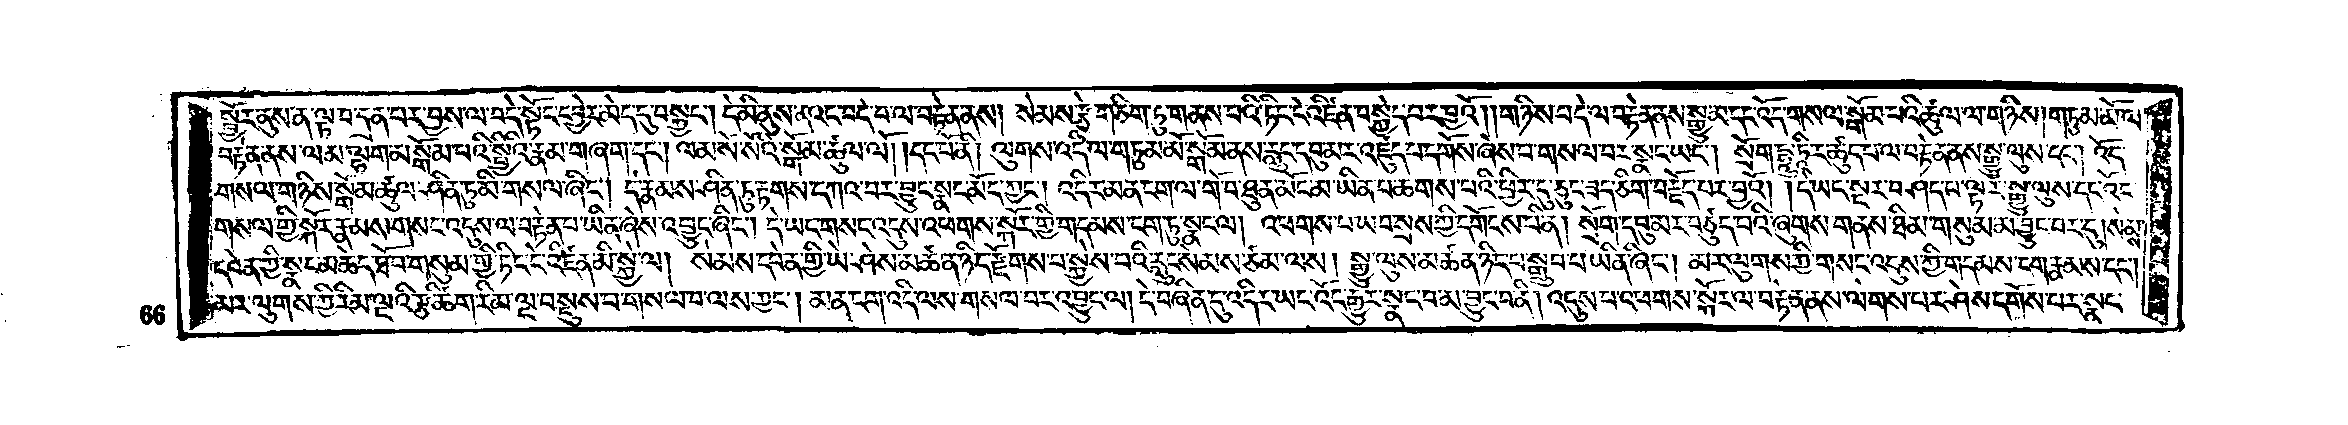སྦྱོར་ནུས་ན་ལྟ་བ་དྲན་པར་བྱས་ལ་བདེ་སྟོང་དབྱེར་མེད་དུ་བསྐྱང་། དེ་མི་ནུས་ནའང་བདེ་བ་ལ་བརྟེན་ནས། སེམས་རྩེ་གཅིག་ཏུ་གནས་པའི་ཏིང་ངེ་འཛིན་བསྐྱེད་པར་བྱའོ། །གཉིས་པ་དེ་ལ་བརྟེན་ནས་སྒྱུ་མ་དང་འོད་གསལ་སྒོམ་པའི་ཚུལ་ལ་གཉིས། གཏུམ་མོ་ལ་
བརྟེན་ནས་ལམ་ལྷག་མ་སྒོམ་པའི་སྤྱིའི་རྣམ་གཞག་དང་། ལམ་སོ་སོའི་སྒོམ་ཚུལ་ལོ། །དང་པོ་ནི། ལུགས་འདི་ལ་གཏུམ་མོ་སྒོམ་ནས་རླུང་དབུ་མར་འཛུད་པ་དགོས་ཞེས་པ་གསལ་བར་སྣང་ཡང་། སྲེག་དྷཱུ་ཏཱིར་ཚུད་པ་ལ་བརྟེན་ནས་སྒྱུ་ལུས་དང་། འོད་
གསལ་གཉིས་སྒོམ་ཚུལ་ཤིན་ཏུ་མི་གསལ་ཞིང་། དེ་རྣམས་ཤིན་ཏུ་རྟགས་དཀའ་བར་བྱུང་སྣང་མོད་ཀྱང་། འདིར་མན་ངག་ལ་གོ་བ་ཐུན་མོང་མ་ཡིན་པ་ཆགས་པའི་ཕྱིར་དུ་ཅུང་ཟད་ཅིག་བརྗོད་པར་བྱའོ། །དེ་ཡང་སྔར་བཤད་པ་ལྟར་སྒྱུ་ལུས་དང་འོད་
གསལ་གྱི་སྐོར་རྣམས་གསང་འདུས་ལ་བརྟེན་པ་ཡིན་ཞེས་འབྱུང་ཞིང་། དེ་ཡང་གསང་འདུས་འཕགས་སྐོར་གྱི་གདམས་ངག་ཏུ་སྣང་ལ། འཕགས་པ་ཡབ་སྲས་ཀྱི་དགོངས་པ་ནི། སྲོག་དབུ་མར་བཙུད་པའི་ཞུགས་གནས་ཐིམ་གསུམ་མ་བྱུང་བར་དུ། སེམས་
དབེན་ཀྱི་སྣང་མཆེད་ཐོབ་གསུམ་གྱི་ཏིང་ངེ་འཛིན་མི་སྐྱེ་ལ། སེམས་དབེན་གྱི་ཡེ་ཤེས་མཚན་ཉིད་རྫོགས་པ་སྐྱེས་པའི་རླུང་སེམས་ཙམ་ལས། སྒྱུ་ལུས་མཚན་ཉིད་པ་སྒྲུབ་པ་ཡིན་ཞིང་། མར་ལུགས་ཀྱི་གསང་འདུས་ཀྱི་གདམས་ངག་རྣམས་དང་།
མར་ལུགས་ཀྱི་རིམ་ལྔའི་རྩ་ཚིག་རིམ་ལྔ་བསྡུས་པ་གསལ་བ་ལས་ཀྱང་། མན་ངག་འདི་ལས་གསལ་བར་འབྱུང་ལ། དེ་བཞིན་དུ་འདིར་ཡང་འོང་རྒྱུར་སྣང་བ་མ་བྱུང་བ་ནི། འདུས་པ་འཕགས་སྐོར་ལ་བརྟེན་ནས་ལེགས་པར་ཤེས་དགོས་པར་སྣང་